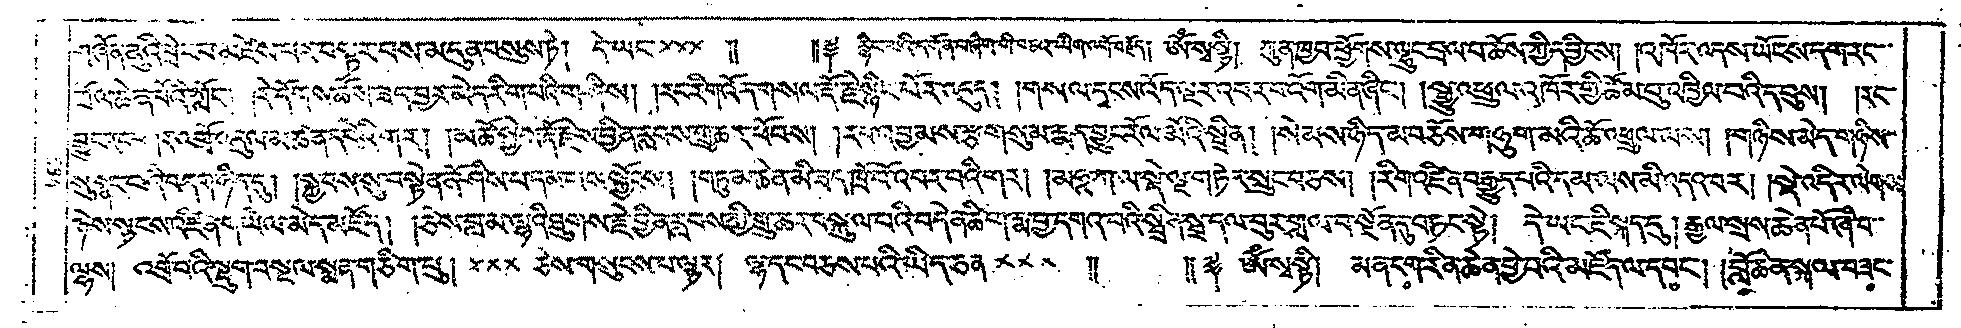གཞོན་ནུའི་ཕྲེང་བ་མཛེས་པར་བསྟར་བས་མདུན་བསུས་ཏེ། དེ་ཡང་྾་྾་྾་།། །། ༈ རྙིང་མའི་དགོན་པ་ཞིག་གི་བཅའ་ཡིག་འགོ་བརྗོད།  ཨོཾ་སྭ་སྟི། ཀུན་ཁྱབ་ཕྱོགས་ལྷུང་བྲལ་བ་ཆོས་ཀྱི་དབྱིངས། །འཁོར་འདས་ཡོངས་དག་རང་
གྲོལ་ཆེན་པོའི་ཀློང་། །རེ་དོགས་ཆོས་ཟད་བྱར་མེད་རིག་པའི་གཤིས། །རང་རིག་འོད་གསལ་རྡོ་རྗེ་སྙིང་པོར་འདུད། །གསལ་དྭངས་འོད་ལྔར་འབར་བ་འོག་མིན་ཞིང་། །སྒྱུ་འཕྲུལ་འཁོར་གྱི་ཚོམ་བུ་འཁྱིལ་བའི་དབུས། །རང་
བྱུང་རང་ཤར་འགྲོ་འདུལ་མཚན་དཔེའི་གར། །མཚོ་སྐྱེས་རྡོ་རྗེ་བྱིན་རླབས་གྲུ་ཆར་ཕོབས། །རབ་འབྱམས་རྩ་གསུམ་རྨད་བྱུང་རོལ་མོའི་སྤྲིན། །སེམས་ཉིད་མ་བཅོས་གཉུག་མའི་ཆོ་འཕྲུལ་ལས། །གཉིས་མེད་གཉིས་
སུ་སྣང་བའི་བདག་ཉིད་དུ། །སྐྱབས་སུ་བསྟེན་ནོ་ཤིས་པ་དམ་པས་སྐྱོངས། །གཏུམ་ཆེན་མི་ཟད་ཁྲོ་བོ་འབར་བའི་གར། །མཧཱ་ཀ་ལ་སྡེ་ལྔ་གཏེར་སྲུང་བཅས། །རིག་འཛིན་བརྒྱུད་པའི་དམ་ལས་མི་འདའ་བར། །སྡེ་འདིར་ལེགས་
ཉེས་སྟངས་འཛིན་གཡེལ་མེད་མཛོད། །ཅེས་བླ་མ་ལྷའི་ཐུགས་རྗེ་བྱིན་རླབས་ཀྱི་གྲུ་ཆར་བསྐུལ་བའི་བདེན་ཚིག་རྨ་བྱ་དགའ་བའི་སྤྲིན་སྒྲ་དལ་བུར་གླལ་བ་སྔོན་དུ་བཏང་སྟེ། དེ་ཡང་ཇི་སྐད་དུ། རྒྱལ་སྲས་ཆེན་པོ་ཞི་བ་
ལྷས། འགྲོ་བའི་སྡུག་བསྔལ་སྨན་གཅིག་པུ། ྾་྾་྾་ཅེས་གསུངས་པ་ལྟར། ལྷ་དང་བཅས་པའི་ཡིད་ཅན་྾་྾་྾་།། །། ༈ ཨོཾ་སྭ་སྟི། མན་ངག྾་རིན་ཆེན་བྱེ་བའི་མཛོད་ལ་དབང྾། །བློ྾་ཆེན་སྐལ་བཟང྾་